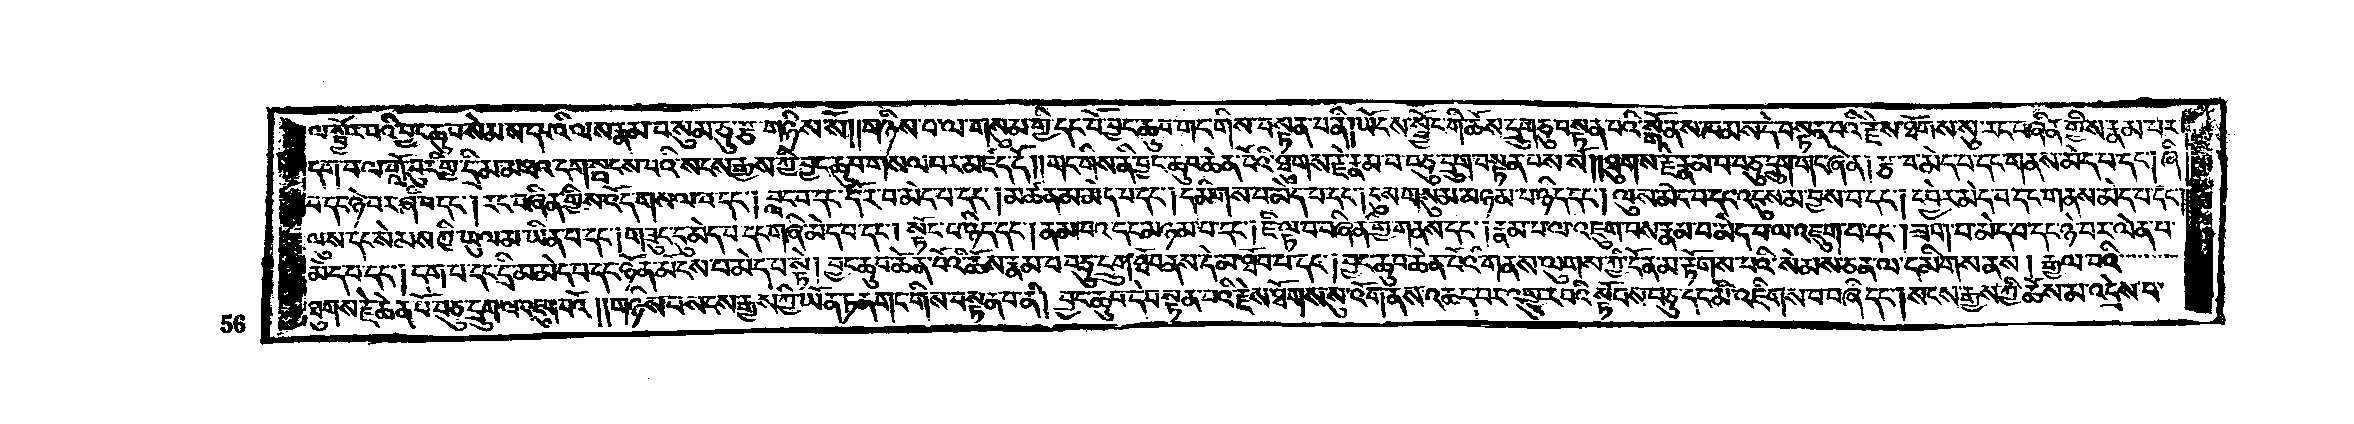ལ་སྦྱོར་བའི་བྱང་ཆུབ་སེམས་དཔའི་ལས་རྣམ་པ་སུམ་ཅུ་རྩ་གཉིས་སོ། །གཉིས་པ་ལ་གསུམ་གྱི་དང་པོ་བྱང་ཆུབ་གང་གིས་བསྟན་པ་ནི། ཡོངས་སྦྱོར་གི་ཆོས་དྲུག་ཅུ་བསྟན་པའི་སྒོ་ནས་ཁམས་དེ་བསྟན་པའི་རྗེས་ཐོགས་སུ་རང་བཞིན་གྱིས་རྣམ་པར་
དག་པ་ལ་གློ་བུར་གྱི་དྲི་མ་མཐའ་དག་སྤངས་པའི་སངས་རྒྱས་ཀྱི་བྱང་ཆུབ་གསལ་བར་མཛད་དོ། །གང་གིས་ནི་བྱང་ཆུབ་ཆེན་པོའི་ཐུགས་རྗེ་རྣམ་པ་བཅུ་དྲུག་བསྟན་པས་སོ། །ཐུགས་རྗེ་རྣམ་པ་བཅུ་དྲུག་གང་ཞེ་ན། རྩ་བ་མེད་པ་དང་གནས་མེད་པ་དང་། ཞི་
བ་དང་ཉེ་བར་ཞི་བ་དང་། རང་བཞིན་གྱིས་འོད་གསལ་བ་དང་། བླང་བ་དང་དོར་བ་མེད་པ་དང་། མཚན་མ་མེད་པ་དང་། དམིགས་པ་མེད་པ་དང་། དུས་གསུམ་མཉམ་པ་ཉིད་དང་། ལུས་མེད་པ་དང་འདུས་མ་བྱས་པ་དང་། དབྱེར་མེད་པ་དང་གནས་མེད་པ་དང་།
ལུས་དང་སེམས་ཀྱི་ཡུལ་མ་ཡིན་པ་དང་། གཟུང་དུ་མེད་པ་དང་གཞི་མེད་པ་དང་། སྟོང་པ་ཉིད་དང་། ནམ་མཁའ་དང་མཉམ་པ་དང་། ཇི་ལྟ་བ་བཞིན་གྱི་གནས་དང་། རྣམ་པ་ལ་འཇུག་པས་རྣམ་པ་མེད་པ་ལ་འཇུག་པ་དང་། ཟག་པ་མེད་པ་དང་ཉེ་བར་ལེན་པ་
མེད་པ་དང་། དག་པ་དང་དྲི་མ་མེད་པ་དང་ཉོན་མོངས་པ་མེད་པ་སྟེ། བྱང་ཆུབ་ཆེན་པོའི་ཆོས་རྣམ་པ་བཅུ་དྲུག་ཐོབ་ནས་དེ་མ་ཐོབ་པ་དང་། བྱང་ཆུབ་ཆེན་པའི་གནས་ལུགས་ཀྱི་དོན་མ་རྟོགས་པའི་སེམས་ཅན་ལ་དམིགས་ནས། རྒྱལ་བའི་
ཐུགས་རྗེ་ཆེན་པོ་བཅུ་དྲུག་ལ་འཇུག་པའོ། །གཉིས་པ་སངས་རྒྱས་ཀྱི་ཡོན་ཏན་གང་གིས་བསྟན་པ་ནི། བྱང་ཆུབ་དེ་བསྟན་པའི་རྗེས་ཐོགས་སུ་འོག་ནས་འཆད་པར་འགྱུར་བའི་སྟོབས་བཅུ་དང་མི་འཇིགས་པ་བཞི་དང་། སངས་རྒྱས་ཀྱི་ཆོས་མ་འདྲེས་པ་